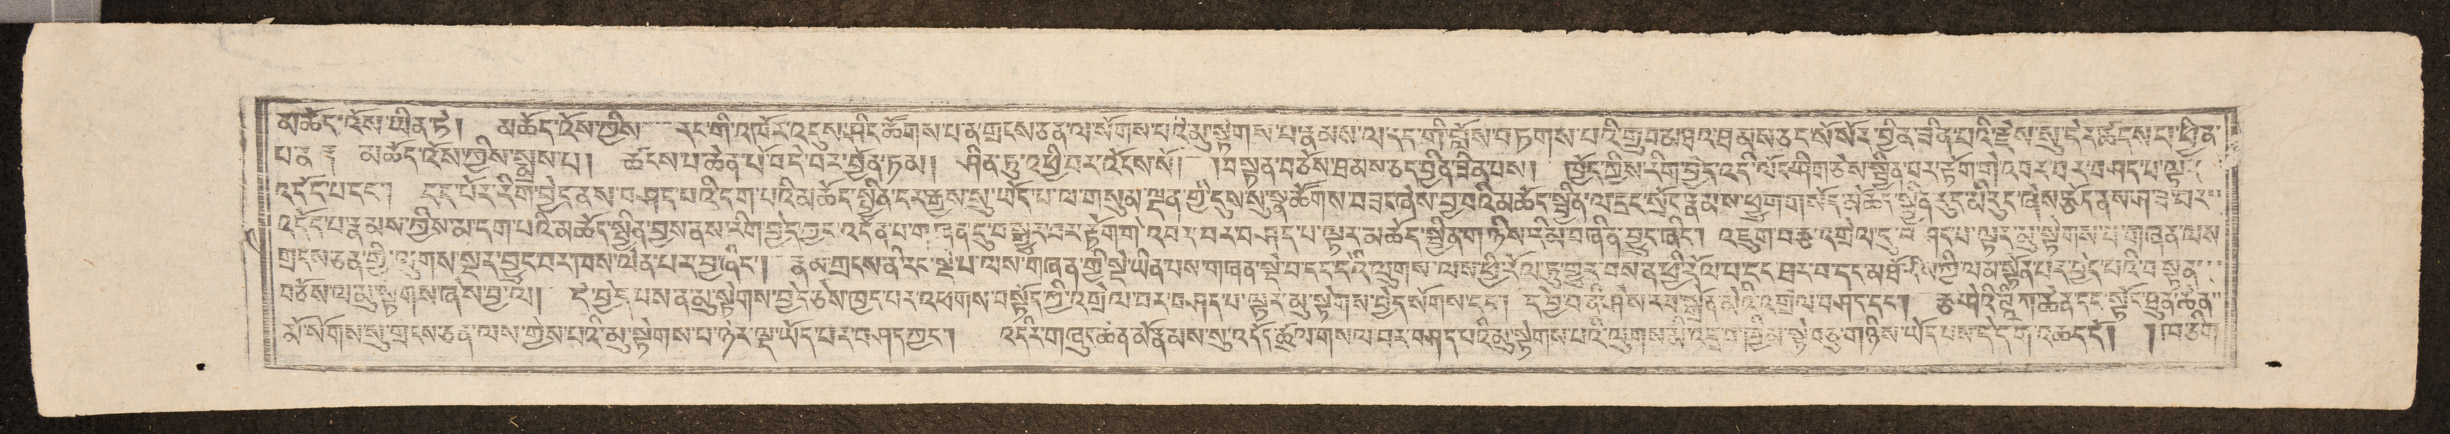མཆོད་འོས་ཡིན་ཏེ། མཆོད་འོས་ཀྱིས་རང་གི་འཁོར་འདུས་ཤིང་ཚོགས་པ་ན་གྲངས་ཅན་ལ་སོགས་པའི་མུ་སྟེགས་པ་རྣམས་ལ་རང་གི་བློས་བཏགས་པའི་གྲུབ་མཐའ་ཐམས་ཅད་སོ་སོར་བྱིན་ཟིན་པའི་རྗེས་སུ་དེར་ཚངས་པ་ཕྱིན་
པ་ན༑ མཆོད་འོས་ཀྱིས་སྨྲས་པ། ཚངས་པ་ཆེན་པོ་བདེ་བར་བྱོན་ཏམ། ཤིན་ཏུ་འཕྱི་བར་འོངས་སོ། །བསྟན་བཅོས་ཐམས་ཅད་བྱིན་ཟིན་པས། ཁྱོད་ཀྱིས་རིག་བྱེད་འདི་ལོང་ཤིག་ཅེས་སྦྱིན་པར་རྟོག་གེ་འབར་བར་བཤད་པ་ལྟར་
འདོད་པ་དང་། དང་པོར་རིག་བྱེད་ནས་བཤད་པའི་དག་པའི་མཆོད་སྦྱིན་དར་རྒྱས་སུ་ཡོད་པ་ལ་གསུམ་ལྡན་གྱི་དུས་སུ་སྣ་ཚོགས་བཟང་ཞེས་བྱ་བའི་མཆོད་སྦྱིན་ལ་དྲང་སྲོང་རྣམས་ཕྱུག་གསོད་མཆོད་སྦྱིན་རུང་མི་རུང་ཞེས་རྩོད་ནས་ཤ་ཟ་བར་
འདོད་པ་རྣམས་ཀྱིས་མ་དག་པའི་མཆོད་སྦྱིན་བྱས་ནས་རིག་བྱེད་ཀྱང་འདོན་པ་གཞན་དུ་བསྒྱུར་བར་རྟོག་གེ་འབར་བར་བཤད་པ་ལྟར་མཆོད་སྦྱིན་གཉིས་རིམ་བཞིན་བྱུང་ཞིང་། འཇུག་བ་རྩ་འགྲེལ་དུ་བཤད་པ་ལྟར་མུ་སྟེགས་པ་གཞན་ལས་
གྲངས་ཅན་གྱི་ལུགས་སྔར་བྱུང་བར་ཁས་ལེན་པར་བྱ་ཞིང་། རྣམ་གྲངས་ནི་རང་སྡེ་པ་ལས་གཞན་ཡི་སྡེ་ཡིན་པས་གཞན་སྡེ་བ་དང་དེའི་ལུགས་ལས་ཕྱི་རོལ་ཏུ་གྱུར་བས་ན་ཕྱི་རོལ་པ་དང་ཐར་བ་དག་མཐོ་རིས་ཀྱི་ལམ་སྟོན་པར་བྱེད་པའི་བསྟན་
བཅོས་ལ་མུ་སྟེགས་ཞེས་བྱ་ལ། དེ་བྱེད་པས་ན་མུ་སྟེགས་བྱེད་ཅེས་ཁྱད་པར་འཕགས་བསྟོད་ཀྱི་འགྲེལ་བར་བཤད་པ་ལྟར་མུ་སྟེགས་བྱེད་སོགས་དང་། དབྱེ་བ་ནི་ཤེས་རབ་སྒྲོན་མེའི་འགྲེལ་བཤད་དང་། རྩ་ཤེའི་ཊཱིཀ་ཆེན་དང་སྟོང་ཐུན་ཆེན་
མོ་སོགས་སུ་གྲངས་ཅན་ལས་གྱེས་པའི་མུ་སྟེགས་པ་ཉེར་ལྔ་ཡོད་པར་བཤད་ཀྱང་། འདིར་གཞུང་ཆེན་མོ་རྣམས་སུ་འདོད་ཚུལ་གསལ་བར་བཤད་པའི་མུ་སྟེགས་པའི་ལུགས་མི་འདྲ་བ་ཁྱིམ་སྟེ་བཅུ་གཉིས་ཡོད་པས་དེ་དག་འཆད་དོ། །ཁ་ཅིག་